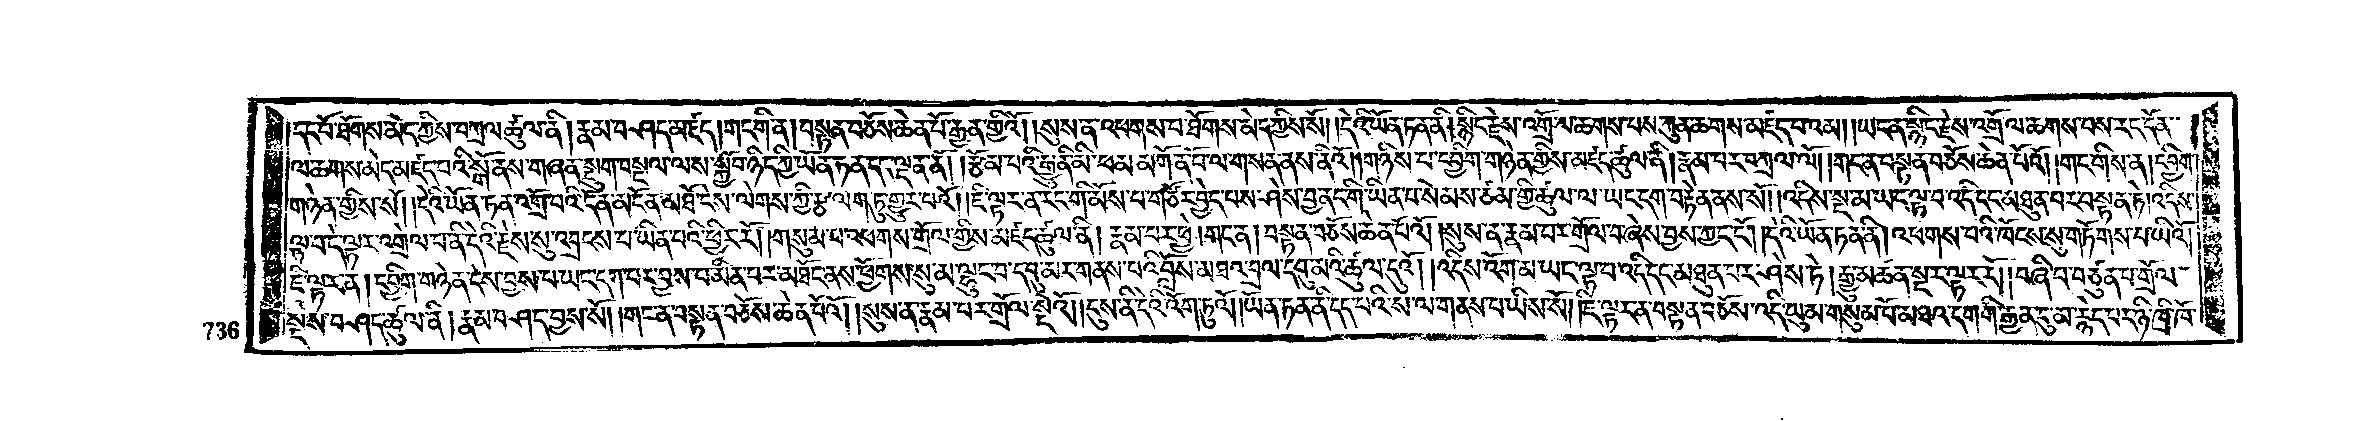དང་པོ་ཐོགས་མེད་ཀྱིས་བཀྲལ་ཚུལ་ནི། རྣམ་བཤད་མཛད། གང་གི་ན། བསྟན་བཅོས་ཆེན་པོ་རྒྱན་གྱིའོ། །སུས་ན་འཕགས་པ་ཐོགས་མེད་ཀྱིས་སོ། །དེའི་ཡོན་ཏན་ནི། སྙིང་རྗེས་འགྲོ་ལ་ཆགས་པས་ཀུན་ཆགས་མཛད་པའམ། །ཡང་ན་སྙིང་རྗེས་འགྲོ་ལ་ཆགས་པས་རང་དོན་
ལ་ཆགས་མེད་མཛད་པའི་སྒོ་ནས་གཞན་སྡུག་བསྔལ་ལས་སྐྱོབ་ཉིད་ཀྱི་ཡོན་ཏན་དང་ལྡན་ནོ། །རྩོམ་པའི་རྒྱུ་ནི་མི་ཕམ་མགོན་པོ་ལ་གསན་ནས་ནིའོ། །གཉིས་པ་དབྱིག་གཉེན་གྱིས་མཛད་ཚུལ་ནི། རྣམ་པར་བཀྲལ་ལོ། །གང་ན་བསྟན་བཅོས་ཆེན་པོའོ། །གང་གིས་ན། དབྱིག་
གཉེན་གྱིས་སོ། །དེའི་ཡོན་ཏན་འགྲོ་བའི་དོན་མངོན་མཐོ་ངེས་ལེགས་ཀྱི་རྩ་ལག་ཏུ་གྱུར་པའོ། །ཇི་ལྟར་ན་རང་གི་མོས་པ་གཙོར་བྱེད་པས་ཤེས་བྱ་ནང་གི་ཡིན་པ་སེམས་ཙམ་གྱི་ཚུལ་ལ་ཡང་དག་བརྟེན་ནས་སོ། །འདིས་སྔ་མ་ཡང་ལྟ་བ་འདི་དང་མཐུན་པར་བསྟན་ཏེ། འདིས་
ལྟ་བ་དེ་ལྟར་འགྲེལ་པ་ནི་དེའི་རྗེས་སུ་འབྲངས་པ་ཡིན་པའི་ཕྱིར་རོ། །གསུམ་པ་འཕགས་གྲོལ་གྱིས་མཛད་ཚུལ་ནི། རྣམ་པར་ཕྱེ། གང་ན། བསྟན་བཅོས་ཆེན་པོའོ། །སུས་ན་རྣམ་པར་གྲོལ་བ་ཞེས་བྱས་ཀྱང་ངོ། །དེའི་ཡོན་ཏན་ནི། འཕགས་པའི་ཁོངས་སུ་གཏོགས་པའི་ཡིའོ།
ཇི་ལྟར་ན། དབྱིག་གཉེན་དེས་བྱས་པ་ཡང་དག་པར་བྱས་པ་མིན་པར་མཐོང་ནས་ཕྱོགས་སུ་མ་ལྷུང་པ་དབུ་མར་གནས་པའི་བློས་མཐའ་བྲལ་དབུ་མའི་ཚུལ་དུའོ། །འདིས་འོག་མ་ཡང་ལྟ་བ་འདི་དང་མཐུན་པར་ཤེས་ཏེ། རྒྱུ་མཚན་སྔར་ལྟར་རོ། །བཞི་པ་བཙུན་པ་གྲོལ་
སྡེས་བཤད་ཚུལ་ནི། རྣམ་བཤད་བྱས་སོ། །གང་ན་བསྟན་བཅོས་ཆེན་པོའོ། །སུས་ན་རྣམ་པར་གྲོལ་སྡེའོ། །སུས་ནི་དེའི་འོག་ཏུའོ། །ཡོན་ཏན་ནི་དད་པའི་ས་ལ་གནས་པ་ཡིས་སོ། །ཇི་ལྟར་ན་བསྟན་བཅོས་འདི་ཡུམ་གསུམ་པོ་མཐའ་དག་གི་རྒྱན་དུ་མ་རྙེད་པར་ཉི་ཁྲི་ཁོ་